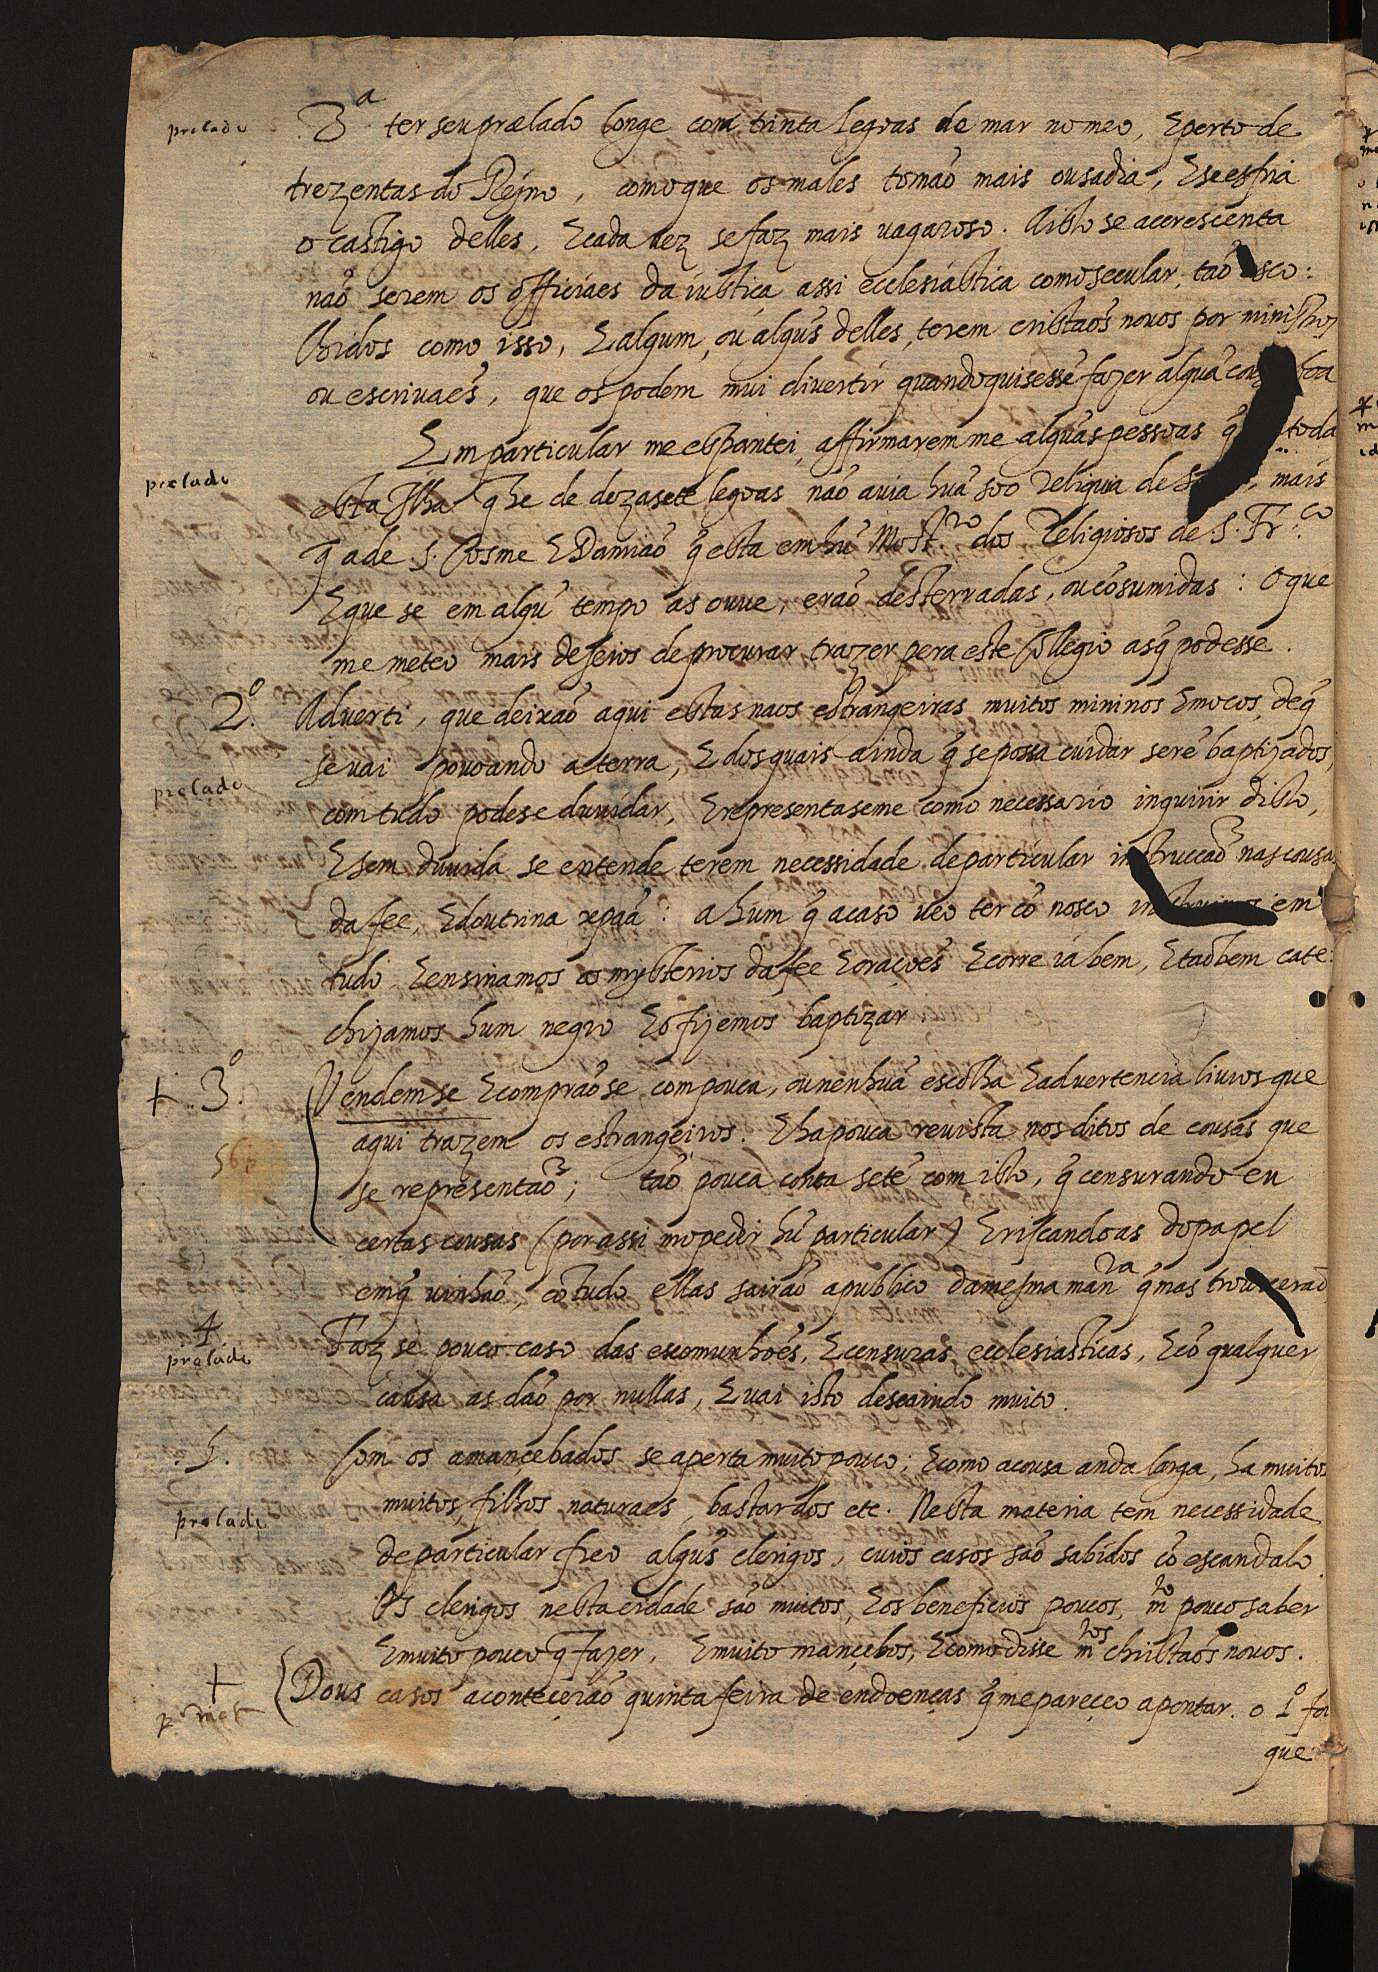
3a ter seu prælado longe com trinta legoas de mar no meo, E perto de
trezentas do Rejno, com o que os males tomaõ mais ousadia, E se esfria
o castigo delles. E cada uez se faz mais uagaroso. A isto se accrescenta
naõ serem os officiaes da iustiça assi ecclesiastica como secular, taõ _sco
lhidos como isso, E algum, ou algūs delles, terem cristaõs nouos por ministros
ou escriuaẽs, que os podem mui diuertir quando quisessē fazer alguā coi_ boa
Em particular me espantei, affirmarem me alguās pessoas q̄ _ toda
esta Jlha q̄ he de dezasete legoas naõ auia huā soo reliquia de s_, mais
q̄ a de .S. Cosme E Damiaõ q̄ esta em hū Most.ro dos Religiosos de S. Fr.co
E que se em algū tempo as ouue, eraõ desterradas, ou cōsumidas: o que
me meteo mais deseios de procurar trazer pera este Collegio as q̄ podesse.
Aduerti, que deixaõ aqui estas naos estrangeiras muitos mininos E mocos, de q̄
se uai pouoando a terra, E dos quais ainda q̄ se possa cuidar serē baptizados,
comtudo podese duuidar, E representaseme como necessario inquirir disto,
E sem duuida se entende terem necessidade de particular in_truccaõ nas cousa
da fee, E doutrina xpaā: a hum q̄ acaso ueo ter cōnosco instrui_s em
tudo E ensinamos os mysterios da fee E oraçoẽs E corre ia bem, E taõbem cate
chizamos hum negro E o fizemos baptizar.
Vendemse E compraõse com pouca ou nenhuā escolha E aduertencia liuros que
aqui trazem os estrangeiros. E ha pouca reuista nos ditos de cousas que
se representaõ; taõ pouca conta se tē com isto, q̄ censurando eu
certas cousas (por assi mo pedir hū particular) E riscandoas do papel
em q̄ uinhaõ, cōtudo ellas sairaõ a publico da mesma manra q̄ mas trouxeraõ
Faz se pouco caso das escomunhoẽs E censuras ecclesiasticas, E cō qualquer
cousa as daõ por nullas, E uai isto descaindo muito.
Com os amançebados se aperta muito pouco; E como a cousa anda larga, ha muitos
muitos, filhos naturaes, bastardos etc. Nesta materia tem necessidade
de particular freo algus̄ clerigos, cuios casos saõ sabidos cō escandalo.
Os clerigos nesta cidade saõ muitos, E os beneficios poucos, mto pouco saber
E muito pouco q̄ fazer, E muito mançebos, E como disse mtos christaõs nouos.
Dous casos aconteceraõ quinta feira de endoenças q̄ me pareçeo apontar. o 1o foi
que
prelado
prelado
2.o
prelado
+ 3o.
56
4
prelado
.5.
prelado
+
p̄o mat
